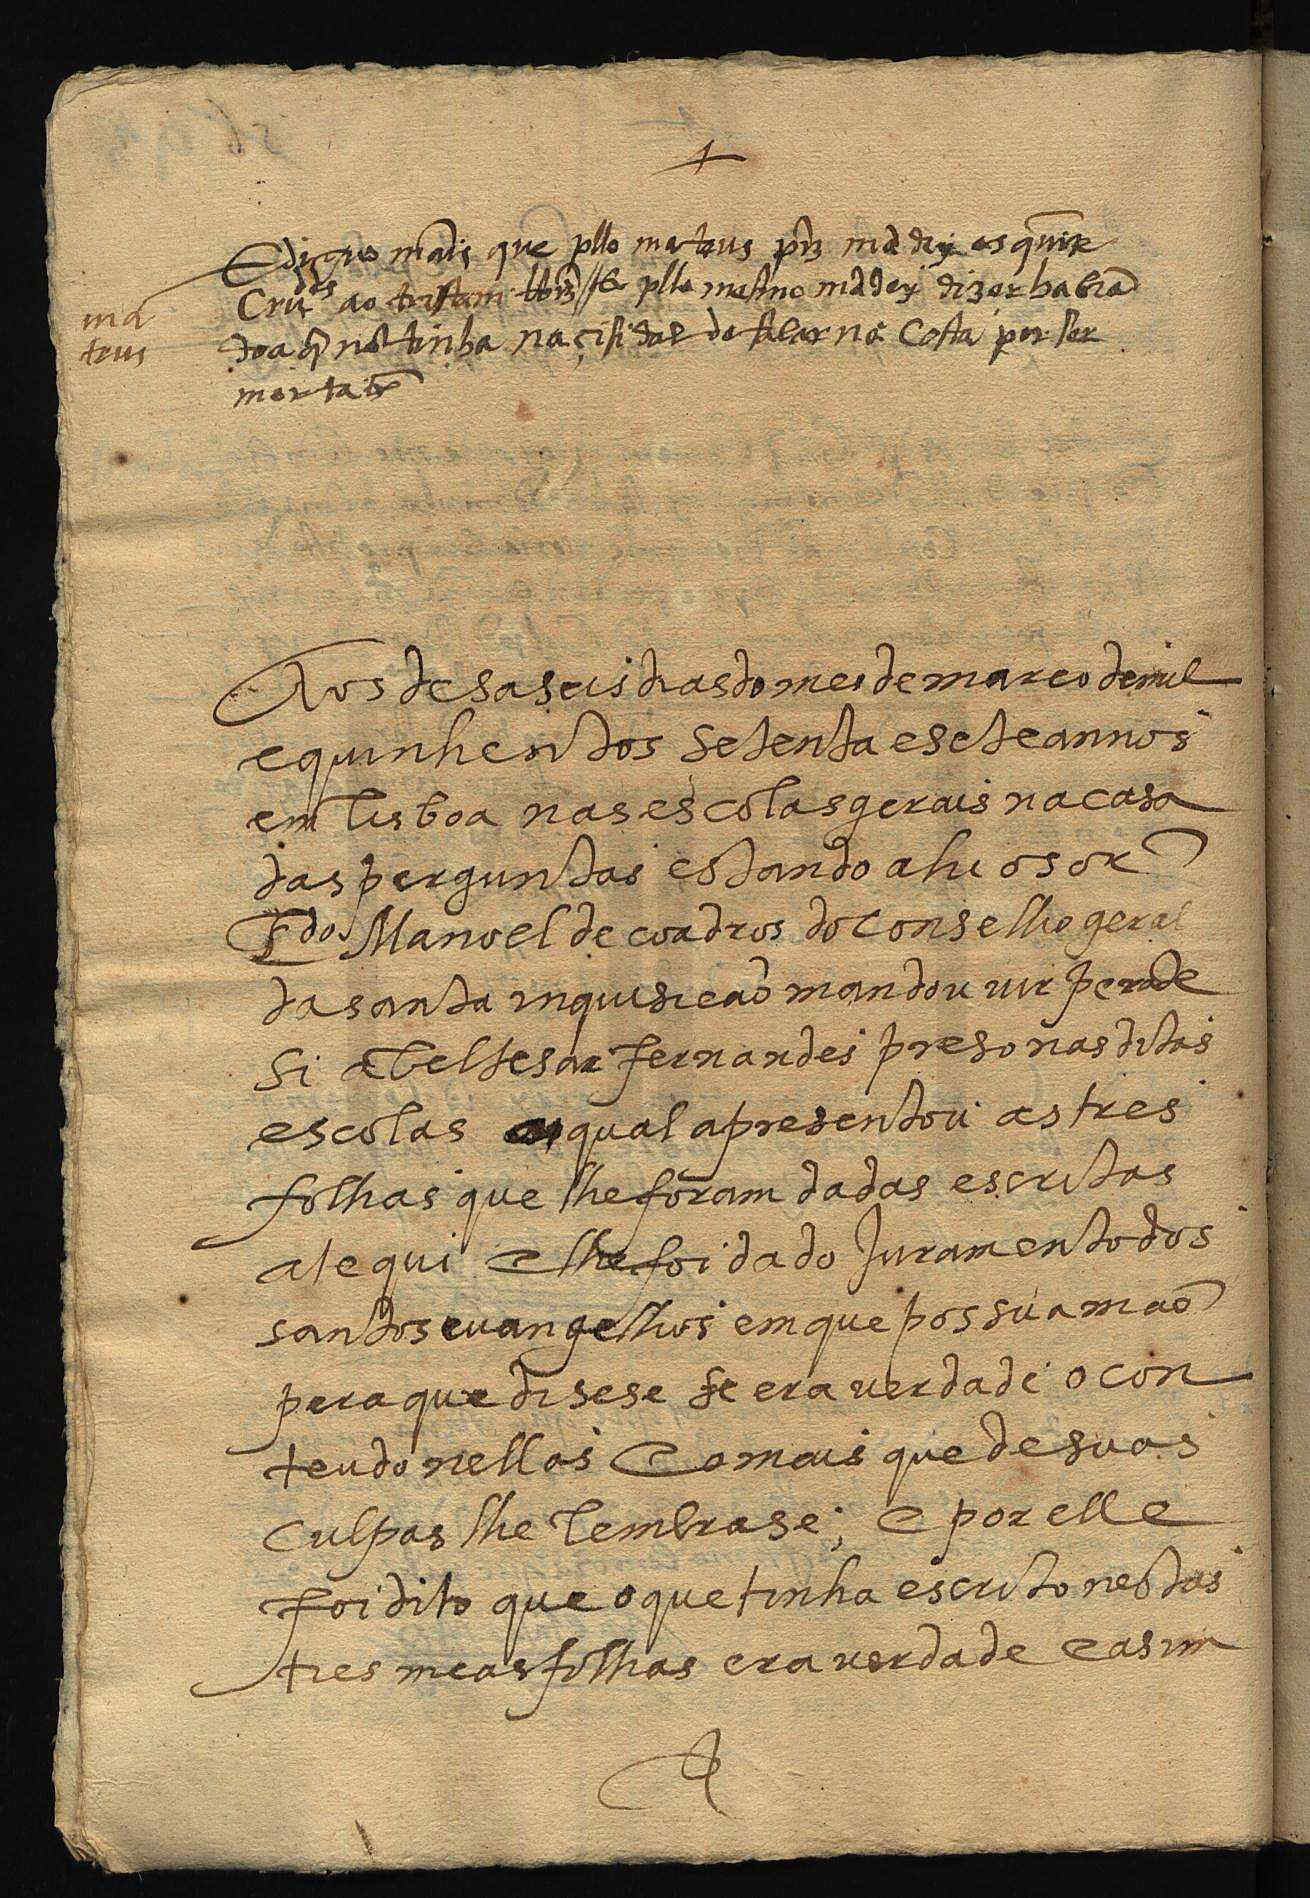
E diguo mais que pllo mateus pr̄z mādey os qūize
Crudos ao tristam Roiz̄ // E pllo mesmo mādey dizer ha brā
ma
teus
doa q̄ nō tinha nacisidal de falar na Costa por ser
morta c̄ꝭ
Aos desaseis dias do mes de março de mil
e quinhentos setenta e sete annos
em lisboa nas escolas gerais na casa
das perguntas estando ahi o sor̄
Ldo Manoel de coadros do conselho geral
da santa inquisiçaõ mandou uir perāte
si a beltesar fernandes preso nas ditas
escolas o qual apresentou as tres
folhas que lhe foram dadas escritas
ate qui e lhe foi dado Juramento dos
santos euangelhos em que pos sua maõ
pera que disese se era uerdade o con
teudo nellas e o mais que de suas
culpas lhe lembrase, e por elle
foi dito que o que tinha escrito nestas
tres meas folhas era uerdade e asim
